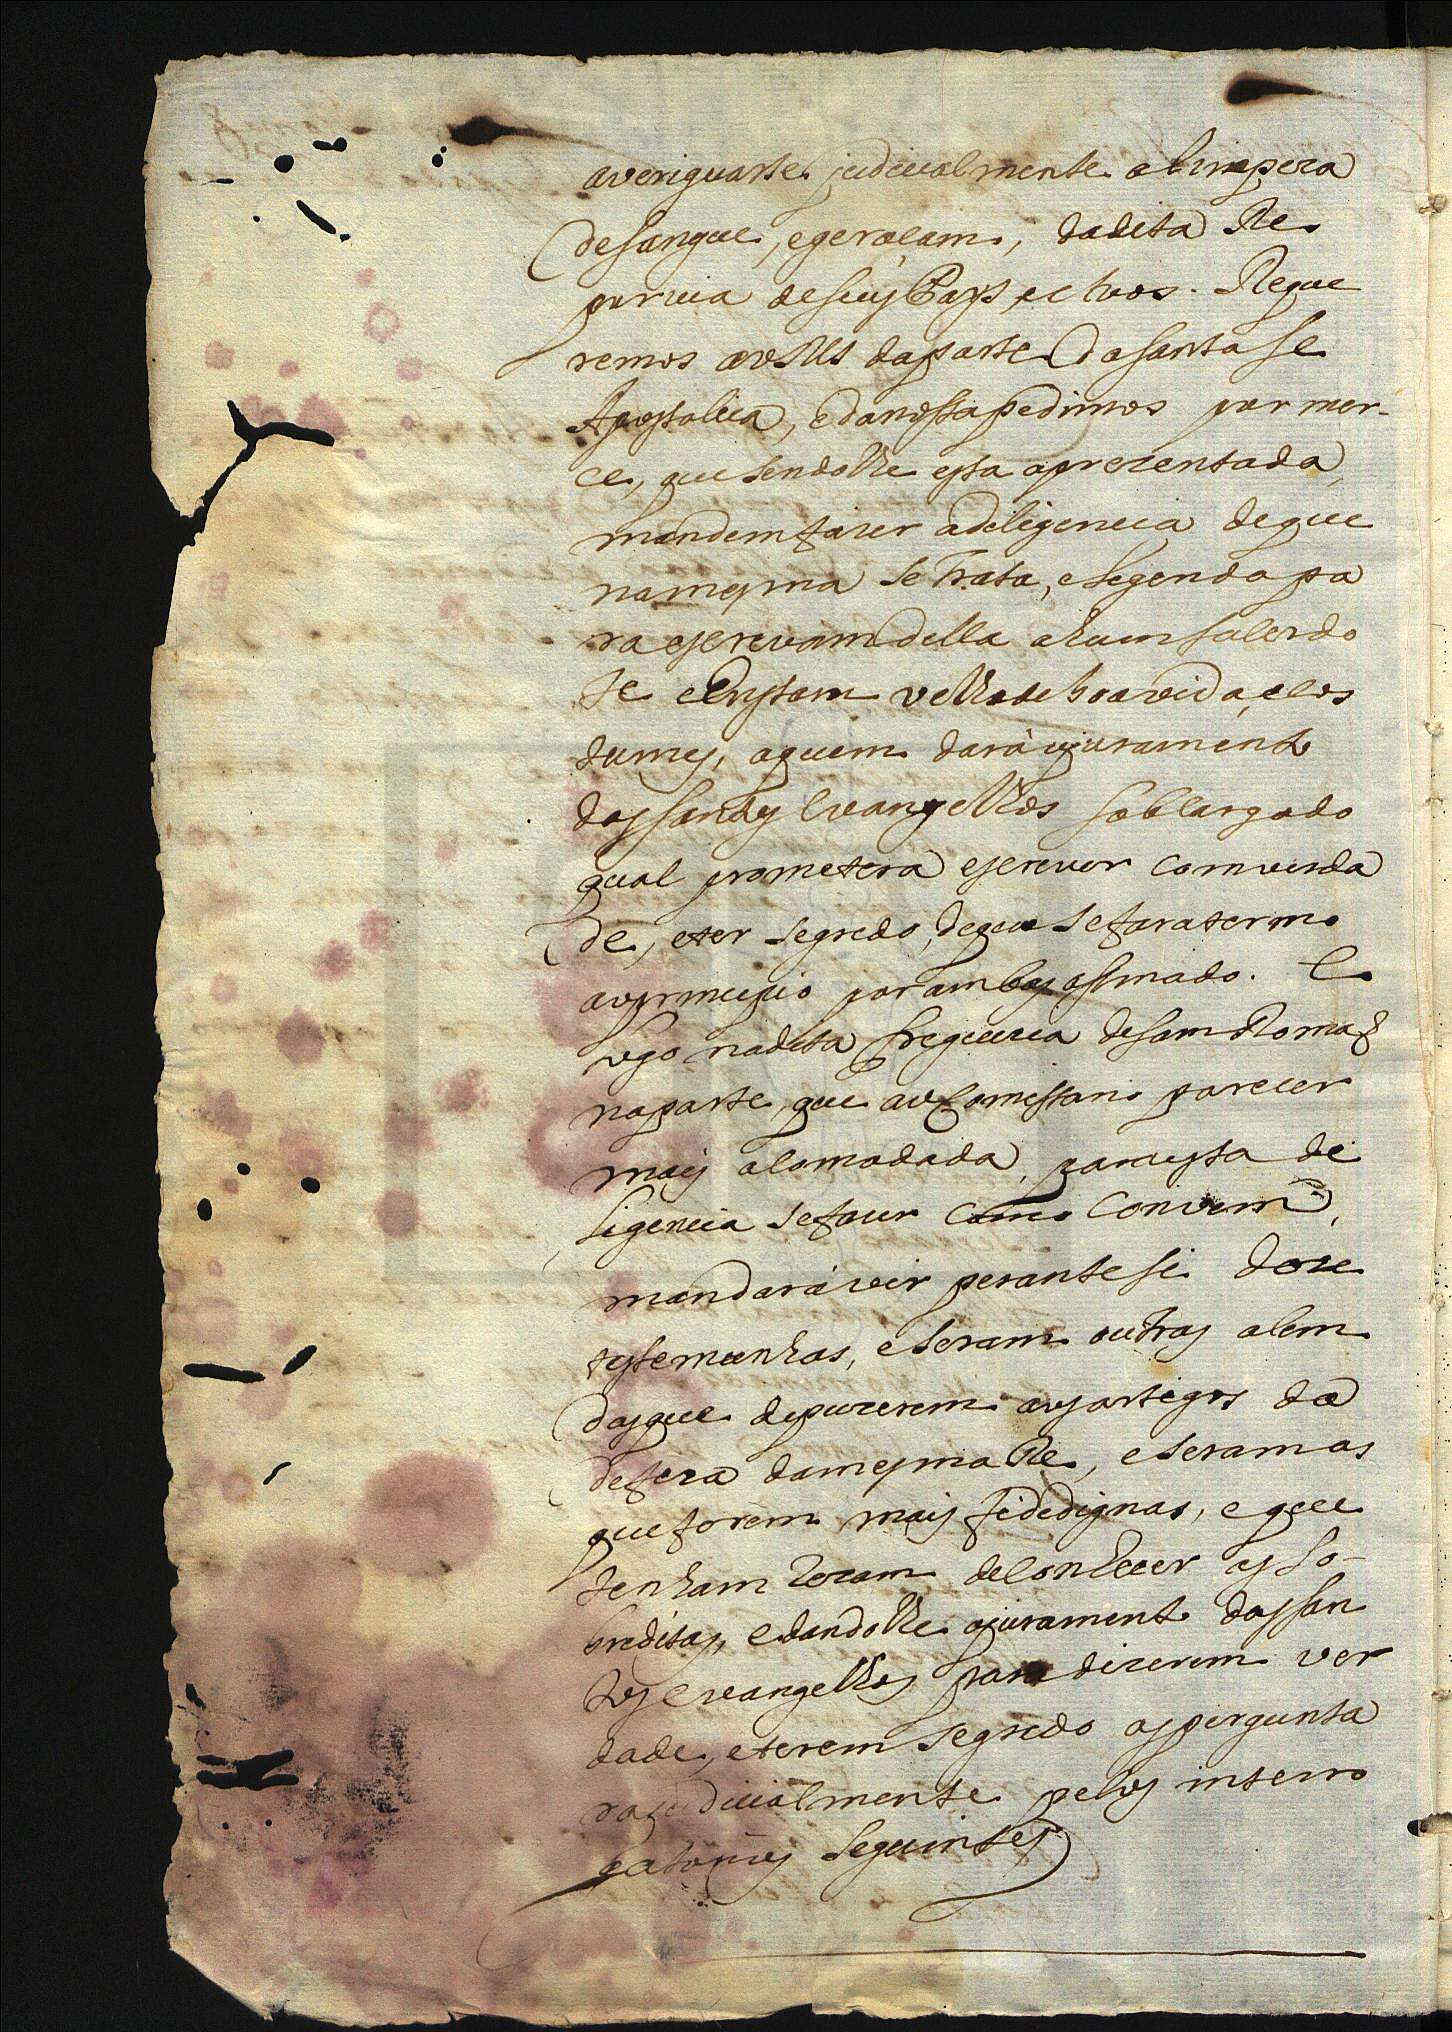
averiguarse judicialmente a limpeza
de sangue, e geraçam, da dita Re
por uia de seus Pays, e Avos. Reque
remos a v Ms da parte da santa se
Apostolica, e da nossa pedimos por mer
ce, que sendolhe esta aprezentada,
mandem fazer a deligencia de que
na mesma se trata, elegendo pa
ra escrivam della a hum sacerdo
te Christam velho de boa vida, e cos
tumes, a quem darà o juramento
dos santos evangelhos sob cargo do
qual prometera escrever com verda
de, e ter segredo, de que se fara termo
ao principio por ambos assinado. E
Logo na dita freguezia de sam Romaõ
na parte, que ao Comissario parecer
mais acomodada, para esta de
Ligencia se fazer como convem,
mandará vir perante si doze
testemunhas, e seram outras alem
das que depuzerem aos artigos da
defeza da mesma Re, e seram as
que forem mais fidedignas, e que
tenham Rezam de conhecer as so
breditas, e dandolhe o juramento dos san
tos evangelhos para dizerem ver
dade, e terem segredo as pergunta
ra judicialmente pelos interro
gatorios seguintes
